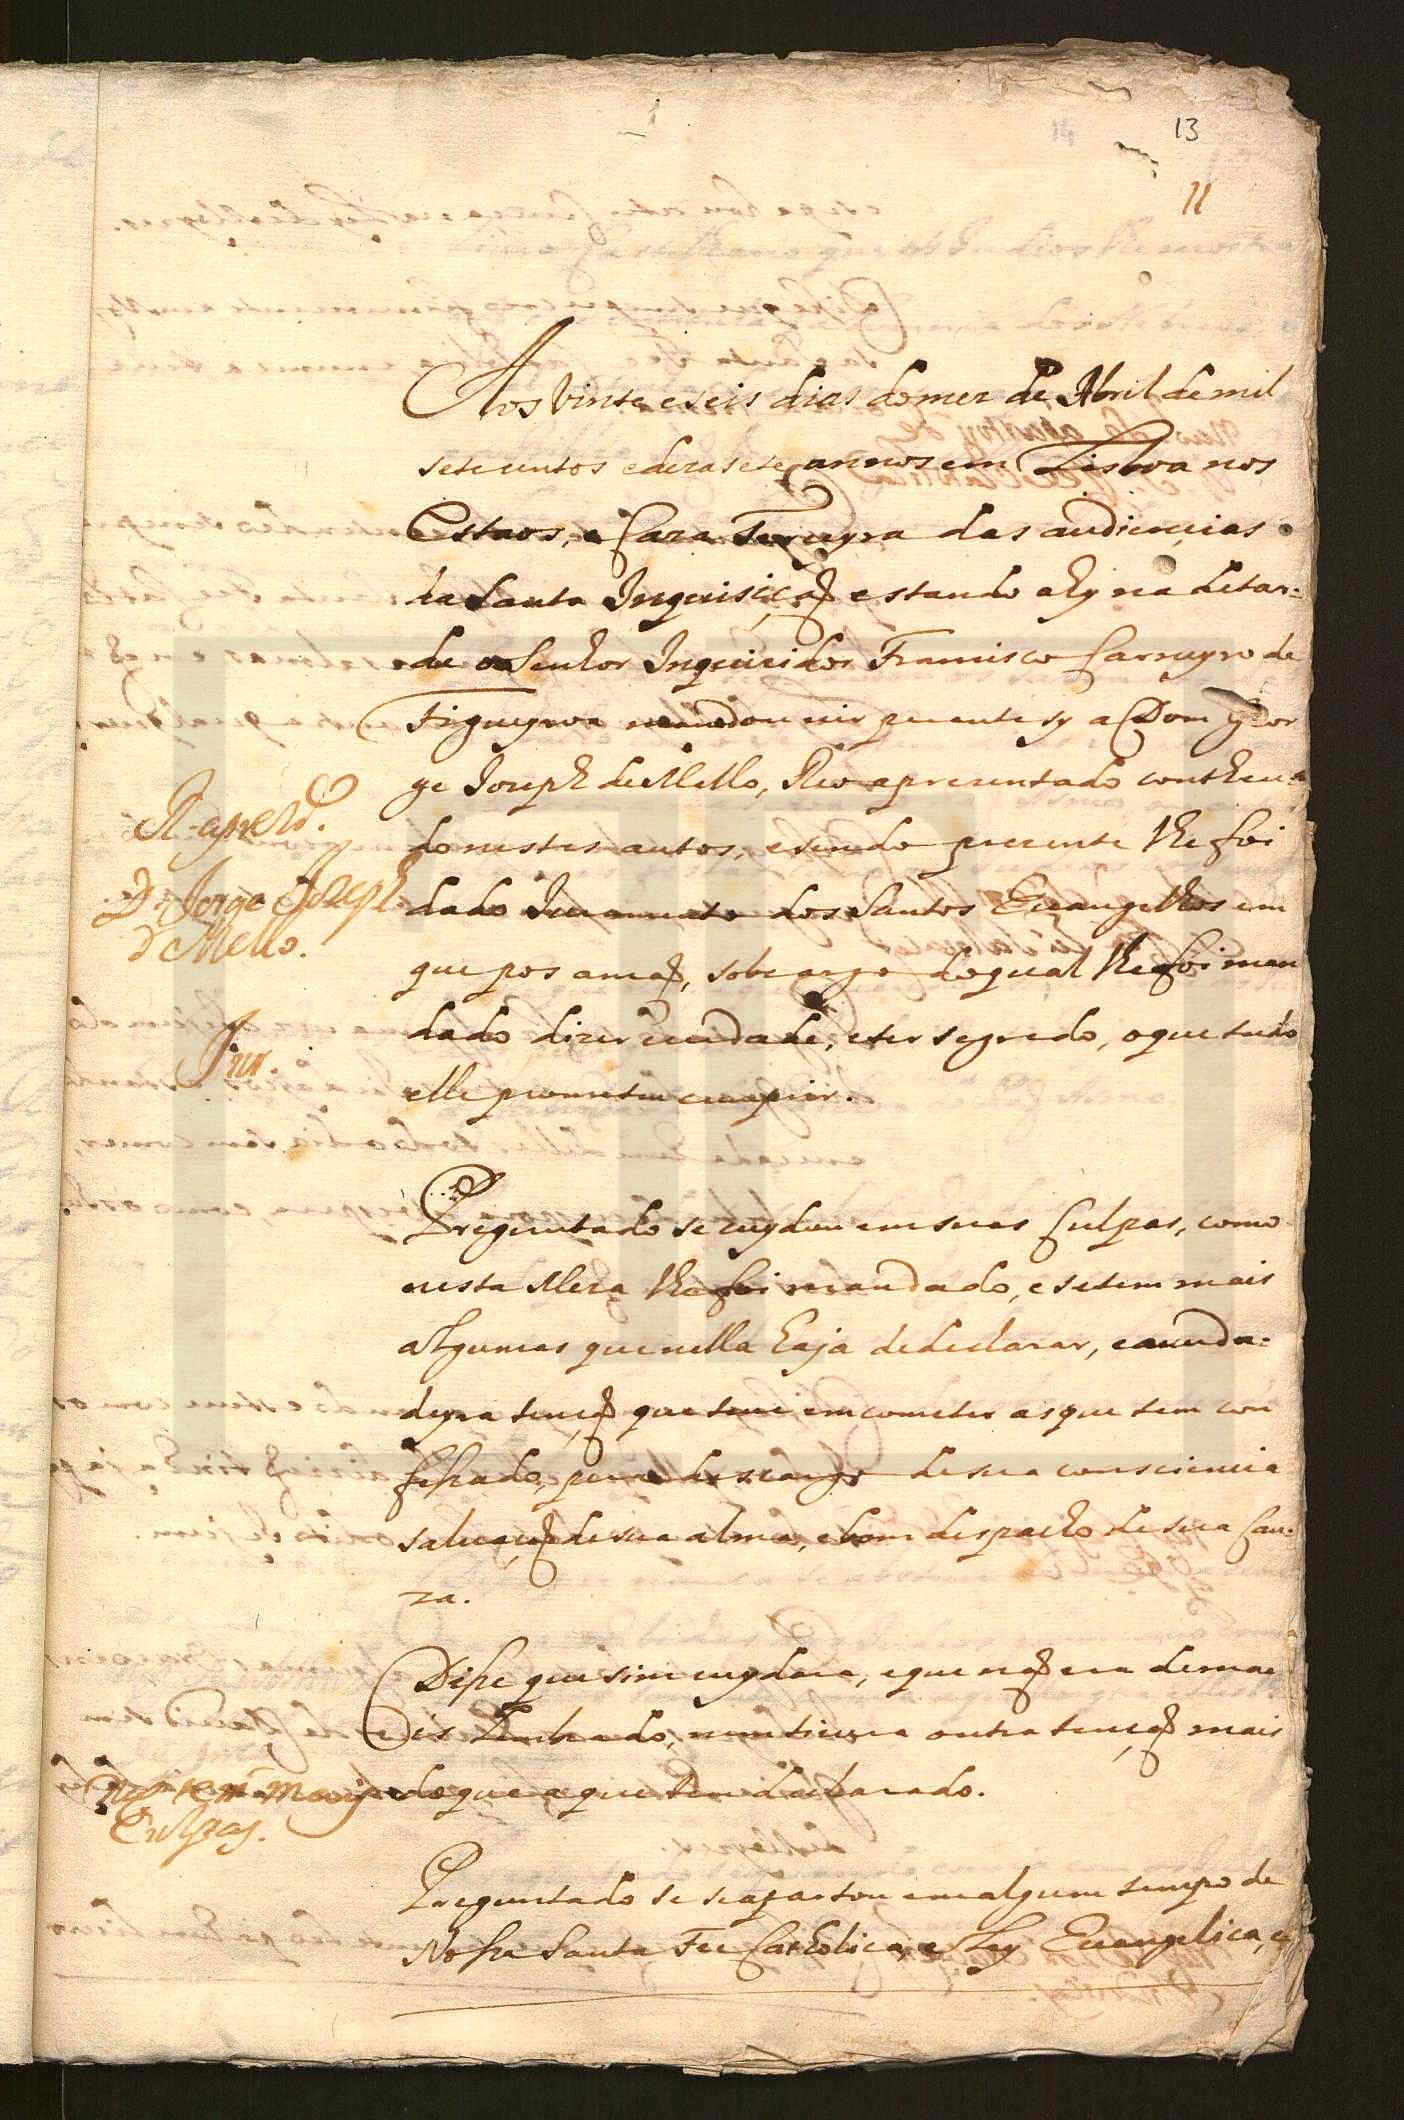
Aos vinte e seis dias do mez de Abril de mil
setecentos e dezasete annos em Lisboa nos
Estaos, e Caza Terceyra das audiencias
da Santa Inquisiçaõ estando ahy na de tar
de o Senhor Inquizidor Francisco Carneyro de
Figueyroa mandou uir perante sy a Dom G_or
ge Iozeph de Mello, Reo aprezentado contheu
R aprezdo.
do nestes autos, e sendo prezente lhe foi
D. Jorge Iozeph.
dado Iuramento dos Santos Euangelhos em
d̄ Mello.
que pos a maõ, sob cargo do qual lhe foi man
dado dizer uerdade, e ter segredo, o que tudo
Iur.
elle prometeu cumprir.
Preguntado se cuydou em suas Culpas, como
nesta Meza lhe foi mandado, e se tem mais
algumas que nella haja de declarar, e a uerda
deyra tençaõ que teue em cometer as que tem con
fessado, pera descargo de sua consciencia
saluaçaõ de sua alma, e bom despacho de sua Cau
za.
Disse que sim cuydara, e que naõ era dema
is lembrado, nem tiuera outra tençaõ mais
naõ tem mais
do que a que tem declarado.
Culpas
Preguntado se se apartou em algum tempo de
Nossa Santa Fee Catholica, e Ley Euangelica, e
